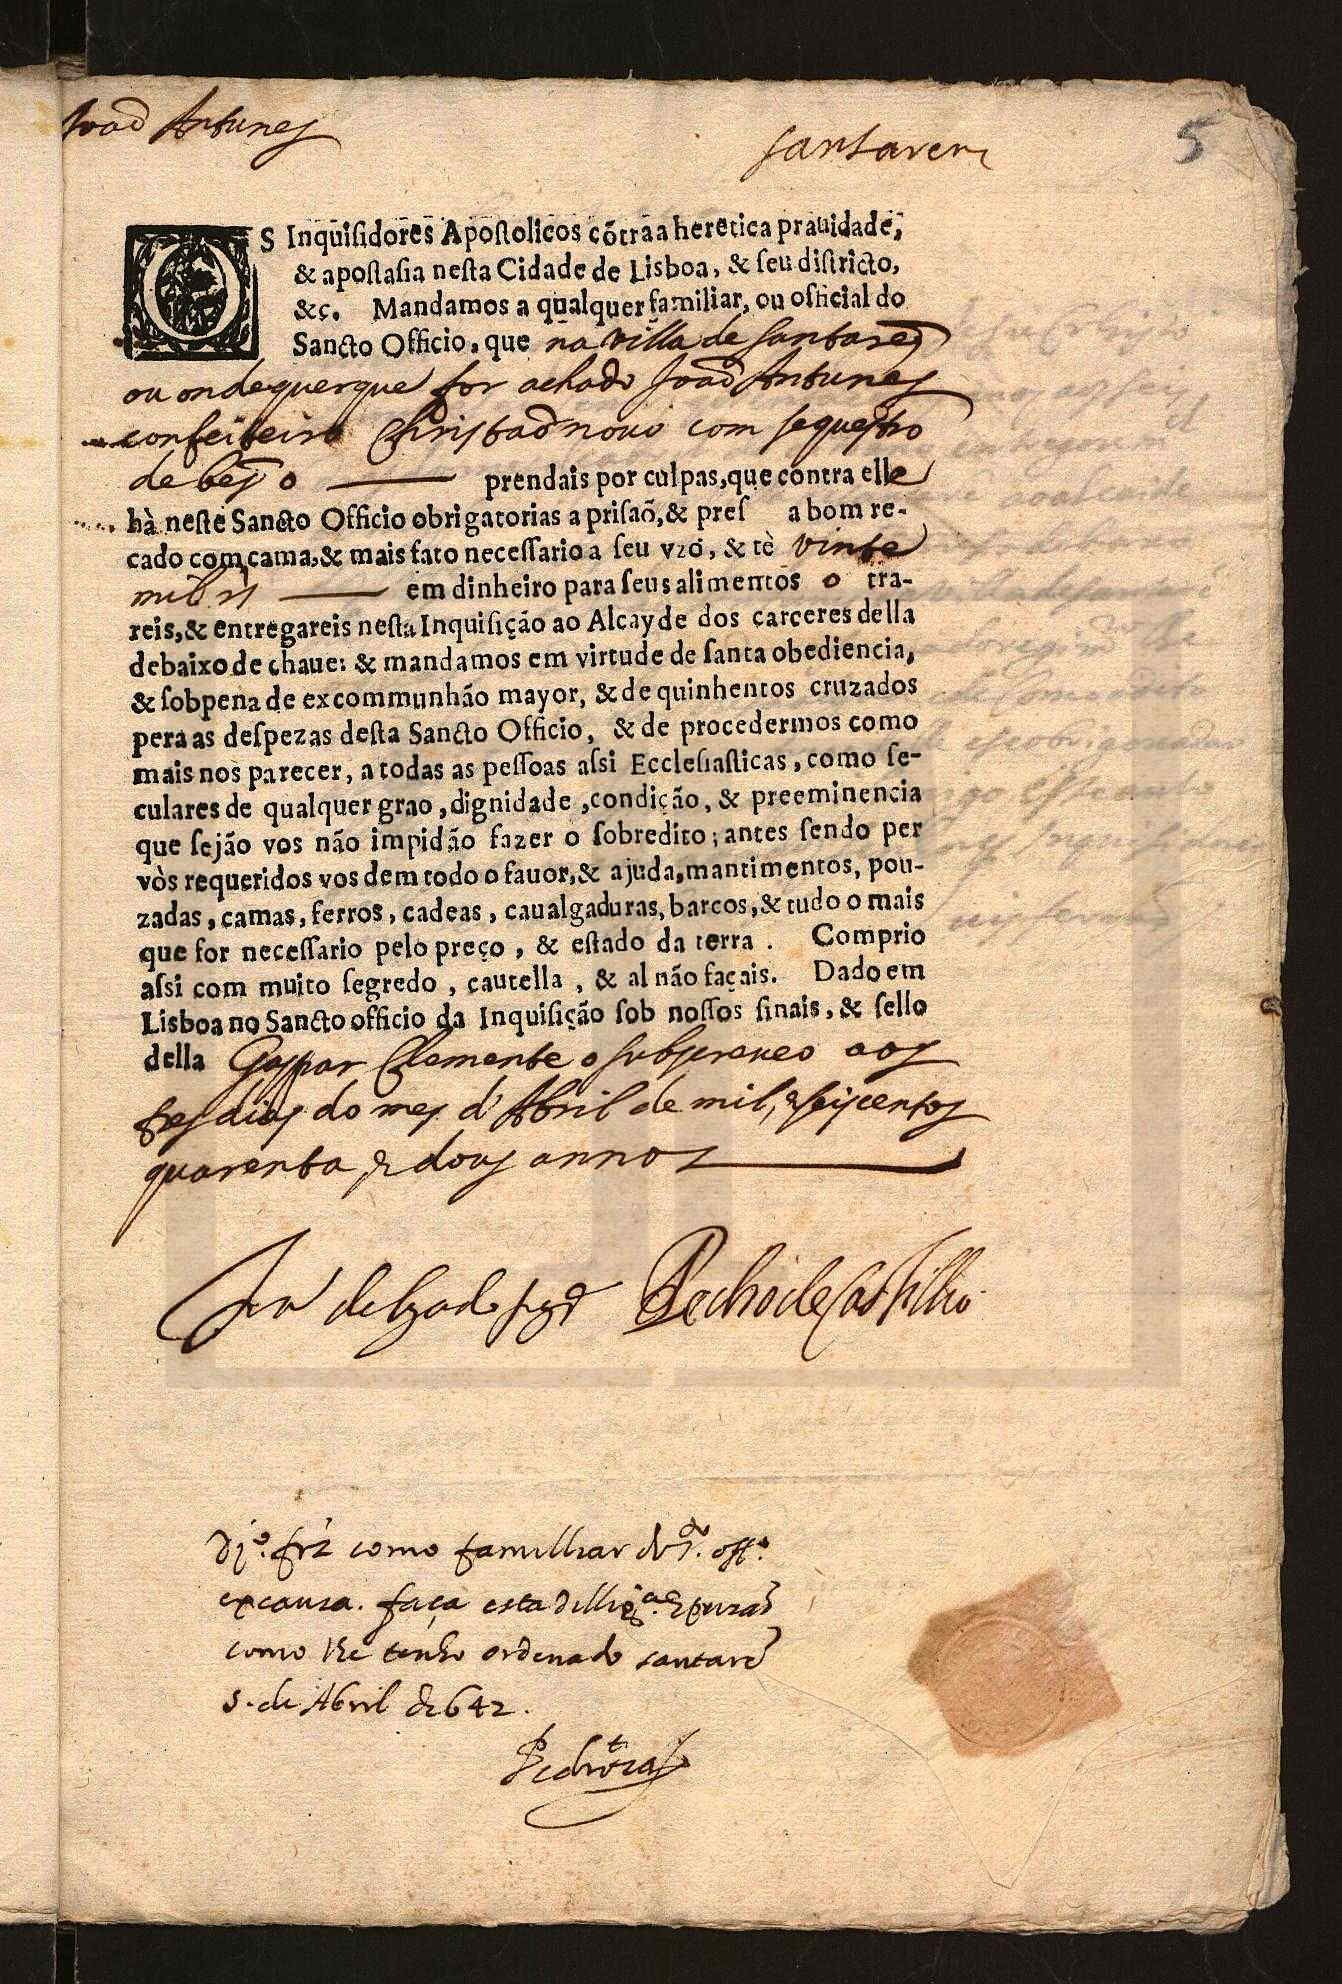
Ioaõ Antunes
santarem
S Inquisidores Apostolicos cōtra a heretica prauidade,
& apostasia nesta Cidade de Lisboa, & seu districto,
&c. Mandamos a qualquer familiar, ou official do
Sancto Officio, que na villa de santarē,
ou onde quer que for achado Joaõ Antunez
confeiteiro Christaõ nouo com sequestro
de bēs - prendais por culpas, que contra elle
hà neste Sancto Officio obrigatorias a prisaõ, & pres a bom re
cado com cama, & mais fato necessario a seu vzo, & tè vinte
mil rs̄ - em dinheiro para seus alimentos o tra
reis, & entregareis nesta Inquisição ao Alcayde dos carceres della
debaixo de chaue: & mandamos em virtude de santa obediencia,
& sob pena de excommunhão mayor, & de quinhentos cruzados
pera as despezas desta Sancto Officio, & de procedermos como
mais nos parecer, a todas as pessoas assi Ecclesiasticas, como se
culares de qualquer grao, dignidade, condição, & preeminencia
que sejão vos não impidão fazer o sobredito; antes sendo per
vòs requeridos vos dem todo o fauor, & ajuda, mantimentos, pou
zadas, camas, ferros, cadeas, caualgaduras, barcos, & tudo o mais
que for necessario pelo preço, & estado da terra. Comprio
assi com muito segredo, cautella, & al não façais. Dado em
Lisboa no Sancto officio da Inquisição sob nossos sinais, & sello
della Gaspar Clemente o subscreueo aos
tres dias do mes d'Abril de mil, E seiscentos
quarenta, E dous annos
Joā delgado figr̄ Pedro de Castilho
dj.o frz̄ como familliar do s.to off.o
ex cauza. faça esta dillig.a E prizaõ
como lhe tenho ordenado santarē
5. de Abril de 642.
Pedroza
